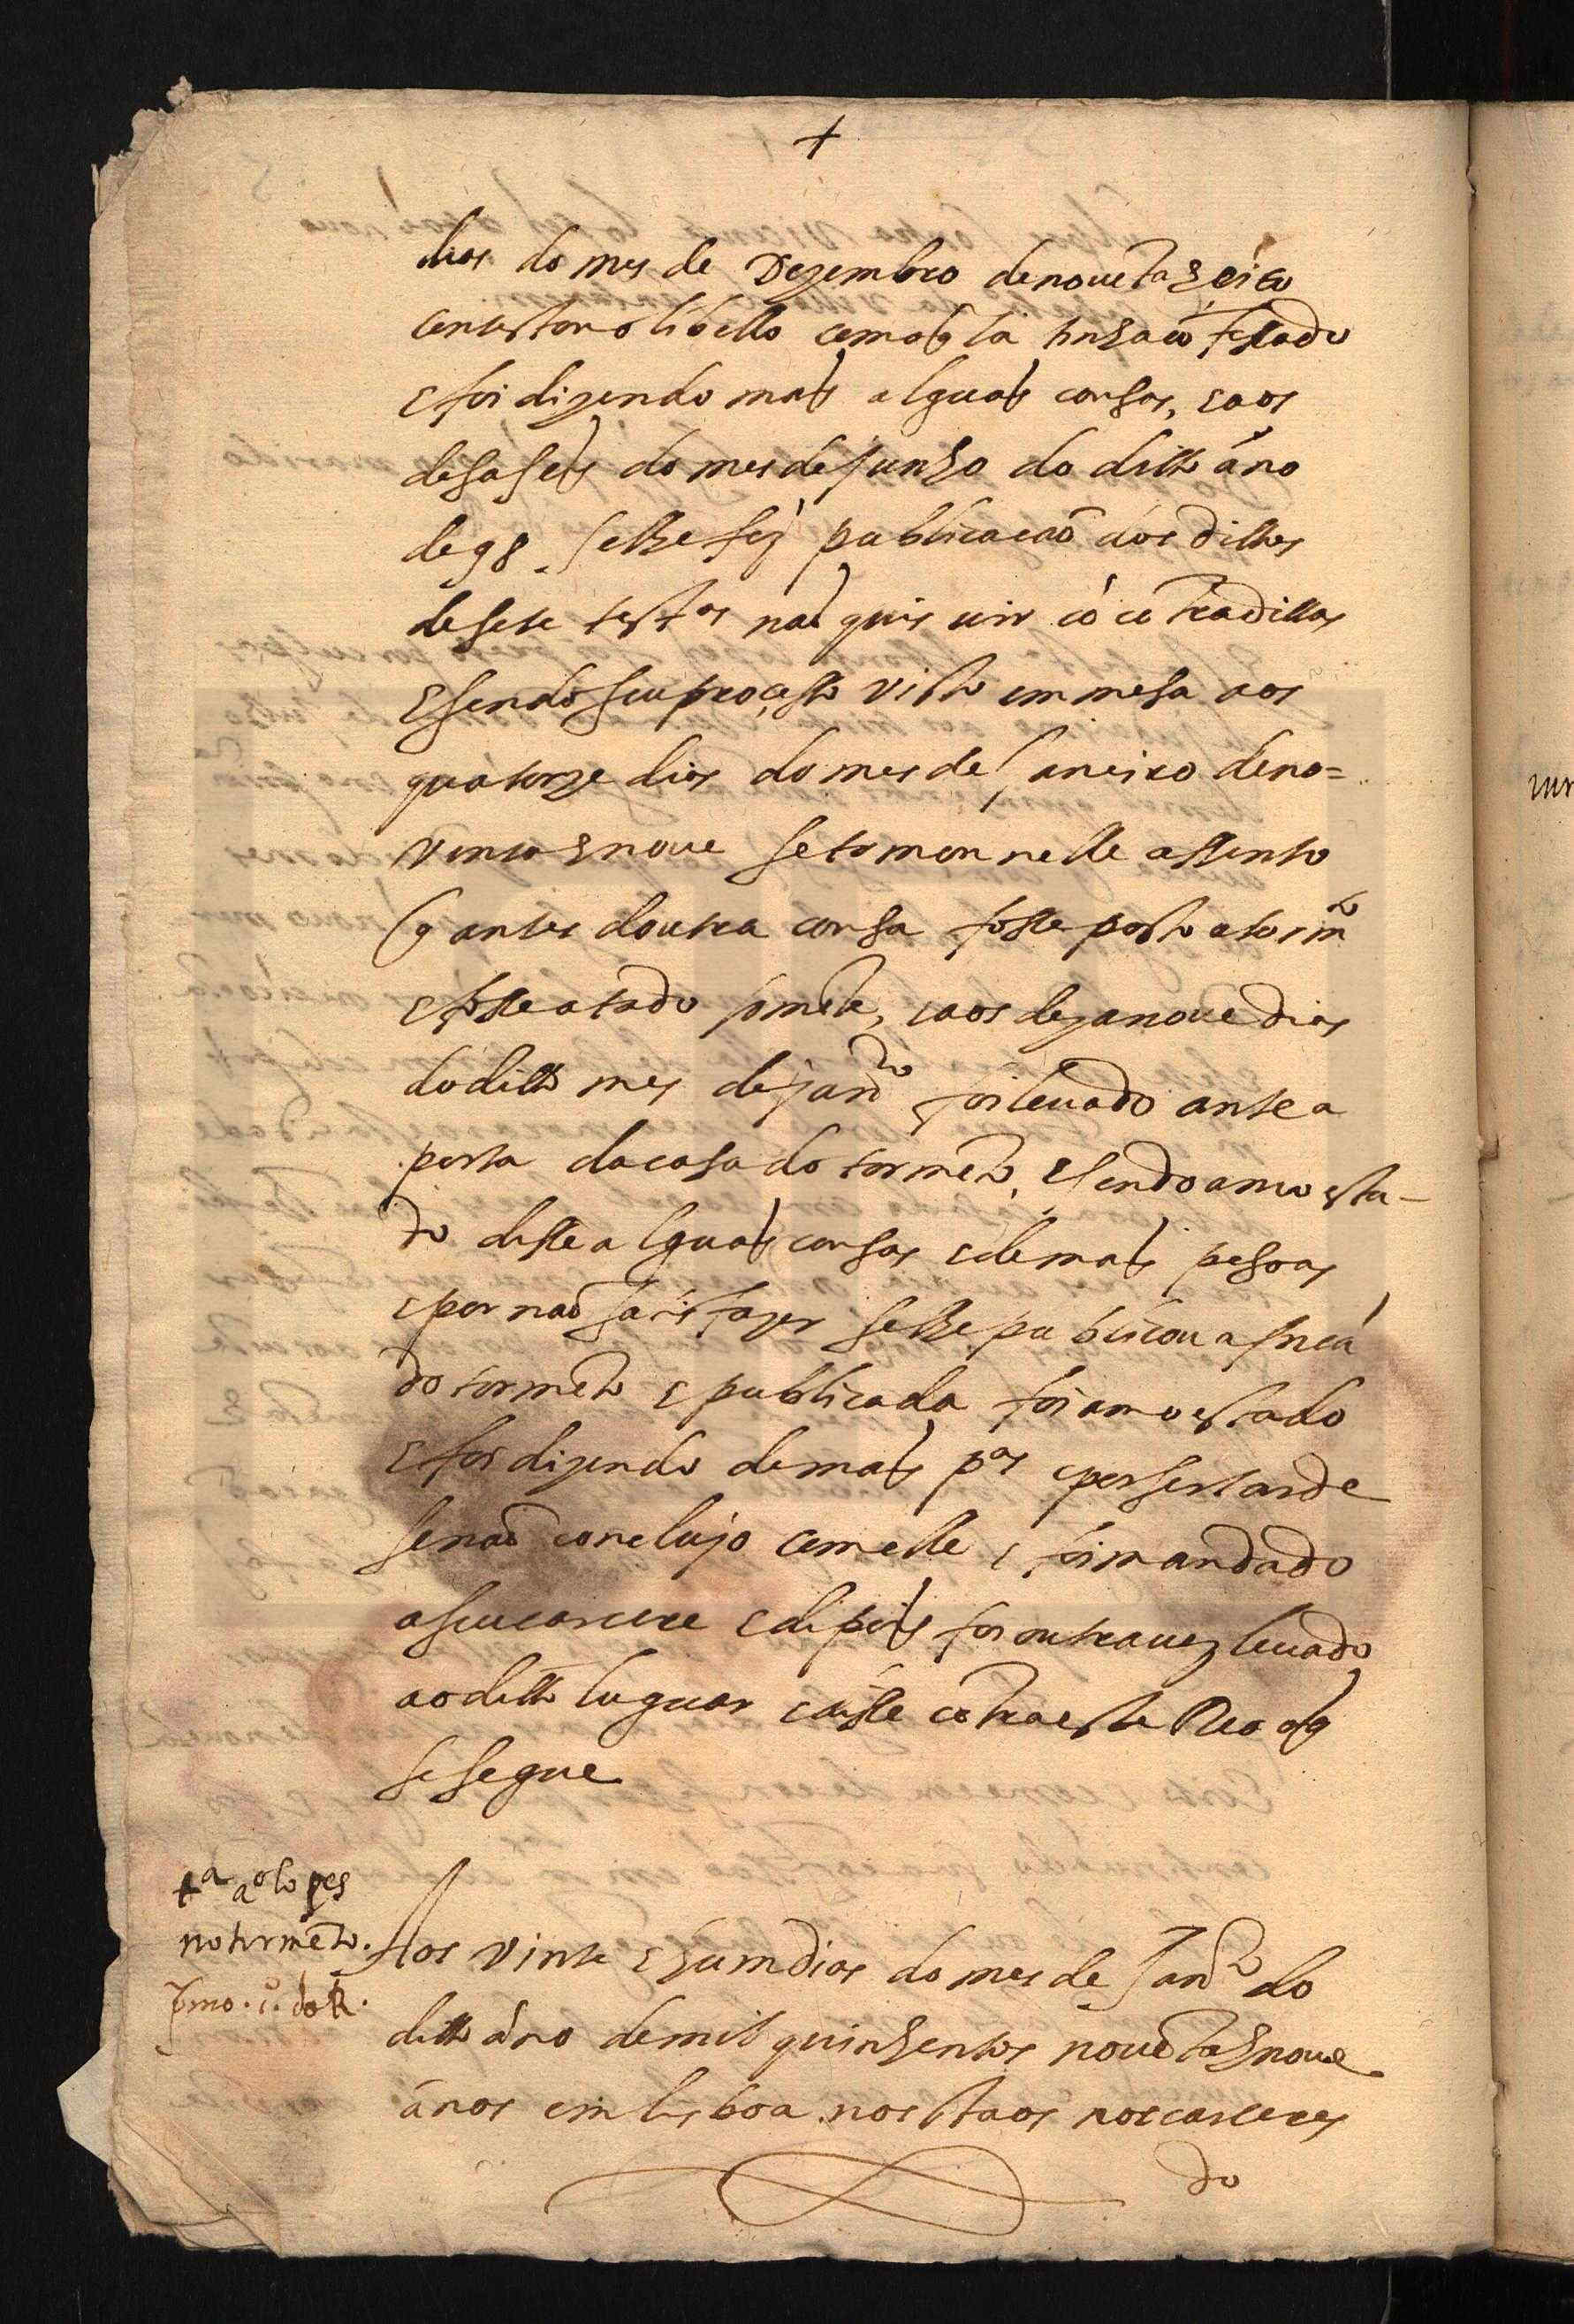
dias do mes de Dezembro de nouēta E oito
contestou o libello com o q̄ Ia tinha cōfessado
E foi dizendo mais alguas cousas, E aos
desaseis do mes de junho do ditto an̄o
de 98 se lhe fez publicaçaõ dos dittos
de sete testas naõ quis uir cō cōtradittas
E sendo seu proçesso visto em mesa aos
quatorze dias do mes de Janeiro de no
venta E noue se tomou nelle assento
q̄ antes doutra cousa fosse posto a torm.to
E fosse atado somēte, e aos dezanoue dias
do ditto mes de janro foi leuado ante a
porta da casa do tormēto, E sendo amoesta
do disse alguas cousas e de mais pesoas
E por naõ satisfazer se lhe publicou a sncā
do tormēto E publicada foi amoestado
E foi dizendo de mais pas e por ser tarde
se não conclujo com elle E foi mandado
a seu carcere E depois foi outra uez leuado
ao ditto luguar E disse cōtra este Reo o q̄
se segue
no tormēto. Aos vinte E hum dias do mes de Janro do
ditto āno de mil quinhentos nouēta E noue
ānos em lisboa nos staos nos carceres
